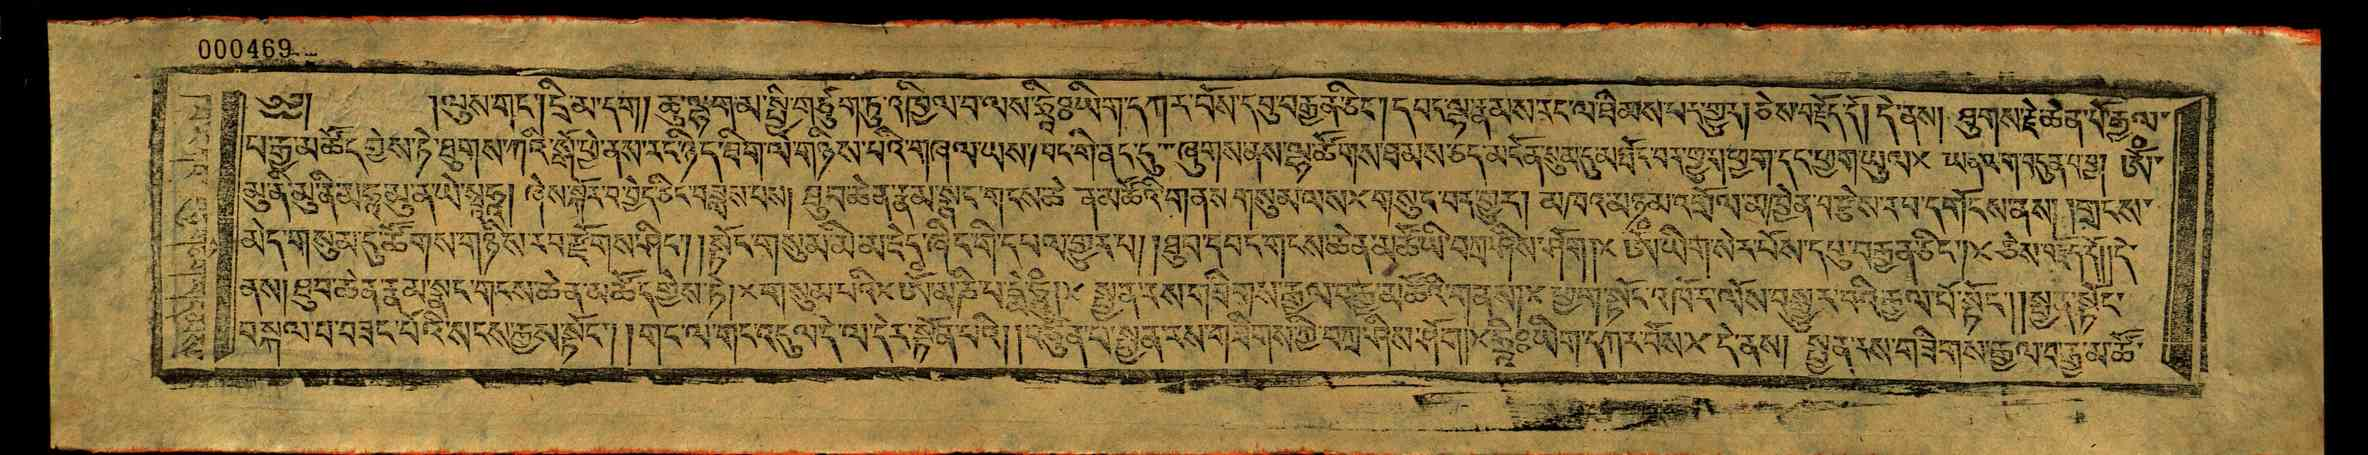༄༅། །ལུས་གང་། དྲི་མ་དག །ཆུ་ལྷག་མ་སྤྱི་གཙུག་ཏུ་འཁྱིལ་པ་ལས་ཧྲཱིཿ ཡིག་དཀར་པོས་དབུ་བརྒྱན་ཅིང་། དབང་ལྷ་རྣམས་རང་ལ་ཐིམས་པར་གྱུར། ཅེས་བརྗོད་དེ། དེ་ནས། ཐུགས་རྗེ་ཆེན་པོ་རྒྱས་
བ་རྒྱ་མཚོ་དགྱེས་ཏེ་ཐུགས་ཀའི་སྒོ་ཕྱེ་ནས་རང་ཉིད་ཐིག་ལེ་གཉིས་པའི་གཞལ་ཡས་ཁང་གི་ནང་དུ་ཞུགས་ནས་ལྷ་ཚོགས་ཐམས་ཅད་མངོན་སུམ་དུ་མཐོང་བར་གྱུར། ཕྱག་དང་ཕྱག་ཡུལ་྾་ཡན་ལག་བདུན་པ་བྱ། ཨོཾ་
མ་ནི་མུ་ནི་མཧཱ་མུན་ཡེ་སྭཱཧཱ། ཞེས་སྐོར་བ་བྱེད་ཅིང་བཟླས་པས། ཐུབ་ཆེན་རྣམ་སྣང་གངས་ཆེན་མཚོའི་གནས་གསུམ་ལས་྾་གསུང་པར་གྱུར། མཁའ་མཉམ་འགྲོ་ལ་མཁྱེན་བརྩེས་རབ་དགོངས་ནས། །གྲངས་
མེད་གསུམ་དུ་ཚོགས་གཉིས་རབ་རྫོགས་ཤིང་། །སྟོང་གསུམ་མི་མཇེད་ཞིང་གི་དཔལ་གྱུར་པ། །ཐུབ་དབང་གངས་ཆེན་མཚོ་ཡི་བཀྲ་ཤིས་ཤོག། ྾་ཨོཾ་ཡིག་སེར་པོས་དབུ་བརྒྱན་ཅིང་། ྾་ཅེས་བརྗོད་དོ། །དེ་
ནས། ཐུབ་ཆེན་རྣམ་སྣང་གངས་ཆེན་མཚོད་དགྱེས་ཏེ། ྾་གསུམ་པའི་྾་ཨོཾ་མ་ནི་པདམེ་ཧཱུཾ། ྾་སྤྱན་རས་གཟིགས་རྒྱལ་བརྒྱ་མཚོའི་གནས། ྾་ཕྱག་སྟོང་འཁོར་ལོས་བསྒྱུར་པའི་རྒྱལ་པོ་སྟོང་། །སྤྱན་སྟོང་
བསྐལ་པ་བཟང་པོའི་སངས་རྒྱས་སྟོང་། །གང་ལ་གང་འདུལ་དེ་ལ་དེར་སྟོན་པའི། །བཙུན་པ་སྤྱན་རས་གཟིགས་ཀྱི་བཀྲ་ཤིས་ཤེག ། ྾་ཧྲཱིཿ ཡིག་དཀར་པོས་྾་དེ་ནས། སྤྱན་རས་གཟིགས་རྒྱལ་བ་རྒྱ་མཚོ་